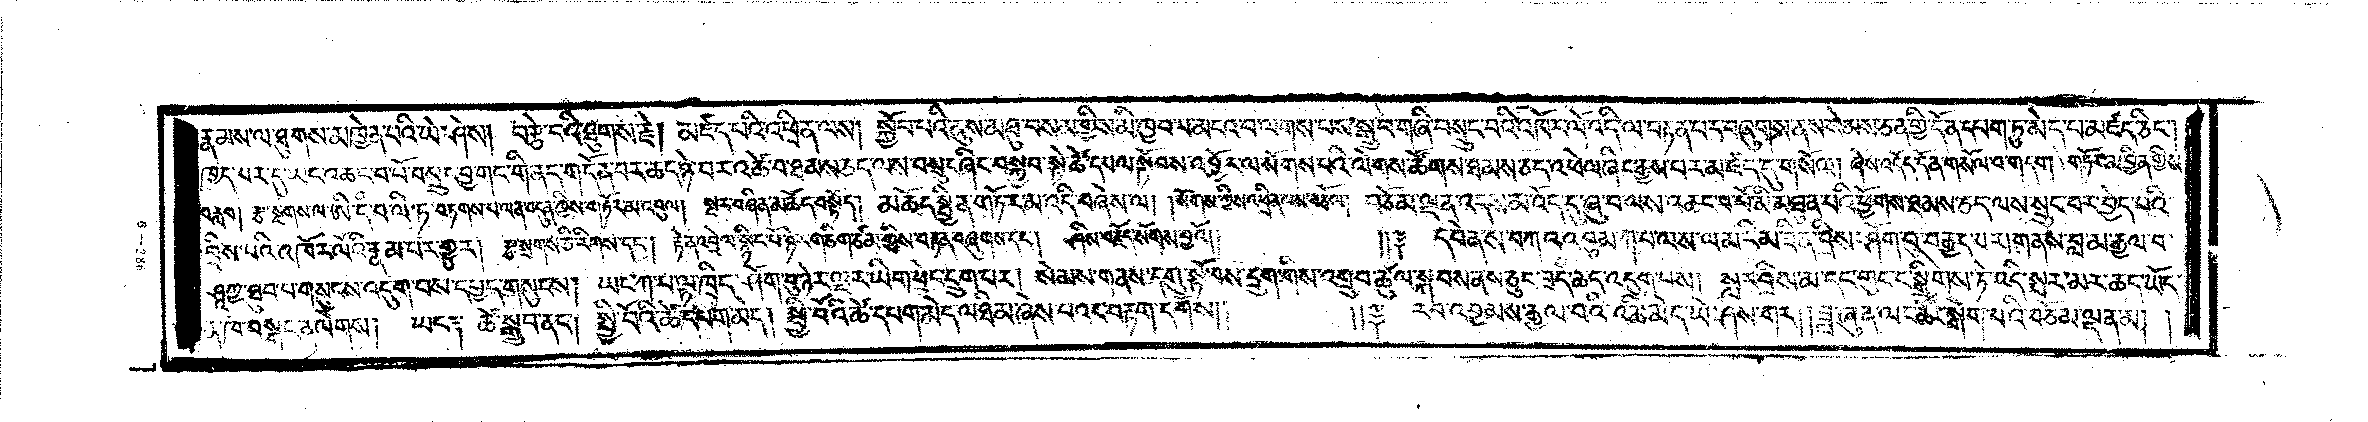རྣམས་ལ་ཐུགས་མཁྱེན་པའི་ཡེ་ཤེས། བརྩེ་བའི་ཐུགས་རྗེ། མཛད་པའི་འཕྲིན་ལས། སྐྱོབ་པའི་ནུས་མཐུ་བསམ་གྱིས་མི་ཁྱབ་པ་མངའ་བ་ལགས་པས་སྒྲུབ་གཞི་བསྲུང་བའི་འཁོར་ལོ་འདི་ལ་བརྟན་པར་བཞུགས་ནས་སེམས་ཅན་གྱི་དོན་དཔག་ཏུ་མེད་པ་མཛད་ཅིང་
ཁྱད་པར་དུ་ཡང་འཆང་བ་པོ་བསྲུང་བྱ་གང་གི་ནད་གདོན་པར་ཆད་ཉེ་བར་འཚེ་བ་ཐམས་ཅད་ལས་བསྲུང་ཞིང་བསྐྱབ་སྟེ་ཚེ་དཔལ་སྟོབས་འབྱོར་ལ་སོགས་པའི་ལེགས་ཚོགས་ཐམས་ཅད་འཕེལ་ཞིང་རྒྱས་པར་མཛད་དུ་གསོལ། ཞེས་འདོད་དོན་གསོལ་བ་གདག་?།གཏོར་མ་བྱིན་གྱིས་
བརླབ། རྩ་སྔགས་ལ་ཨི་དཾ་པ་ལི་ཏ་བཏགས་པ་ལན་བདུན་གྱིས་གཏོར་མ་འབུལ། སྤར་བཞིན་མཆོད་བསྟོད། མཆོད་སྦྱིན་གཏོར་མ་འདི་བཞེས་ལ། ། སོགས་ཀྱིས་འཕྲིན་ལས་བཅོལ།  བཅོམ་ལྡན་འདས་མ་འོད་དུ་ཞུ་བ་ལས་འཆང་བ་པོ་ནི་མཐུན་པའི་ཕྱོགས་ཐམས་ཅད་ལས་སྲུང་བར་བྱེད་པའི་
བྲིས་པའི་འཁོར་ལོའི་རྣམ་པར་གྱུར། རྩ་སྲགས་ཅི་རིགས་དང་། རྟེན་འབྲེལ་སྙིང་པོ་ཉེར་གཅིག་ཙམ་གྱིས་བརྟན་བཞུགས་དང་། ཤིས་བརྗོད་སོགས་བྱའོ།།  །།༈ དབེན་ས་བཀའ་འབུམ་ཀ་པ་ལས་ལམ་རིམ་ཟིན་བྲིས་ཤོག་བུ་བརྒྱད་པར། གནས་བླ་མ་རྒྱལ་བ་
ཤཱཀྱ་ཐུབ་པ་གསུངས་འདུག་བས་དཔྱད་གསུངས། ཡང་ཀ་པ་ལྟ་ཁྲིད་ཤོག་བུ་ཉེར་ལྔར་ཡིག་ཕྲེང་དྲུག་པར། སེམས་གནས་དགུ་སྟོབས་དྲུག་གིས་འགྲུབ་ཚུལ་སྐབས་ནས་ཅུང་ཟད་ཆད་འདུག་པས། སླར་བྲིས་མ་དང་གུང་བསྒྲིགས་ཏེ་འདི་སྤར་མར་ཆད་ཡོང་
ན་ཁ་བསྒང་ན་ལོགས། ཡང༑ ཚེ་སྒྲུབ་ནང་། སྤྱི་བོའི་ཚེ་དཔག་མེད། སྤྱི་བོའི་ཚེ་དཔག་མེད་ལ་ཐིམ་ཞེས་པའང་བརྟག་དགོས།། །།༈ རབ་འབྱམས་རྒྱལ་བའི་འཆི་མེད་ཡེ་ཤེས་གར། །ཟླ་ཞུན་ལང་ཚོར་སྒེག་པའི་བཅོམ་ལྡན་མ། །